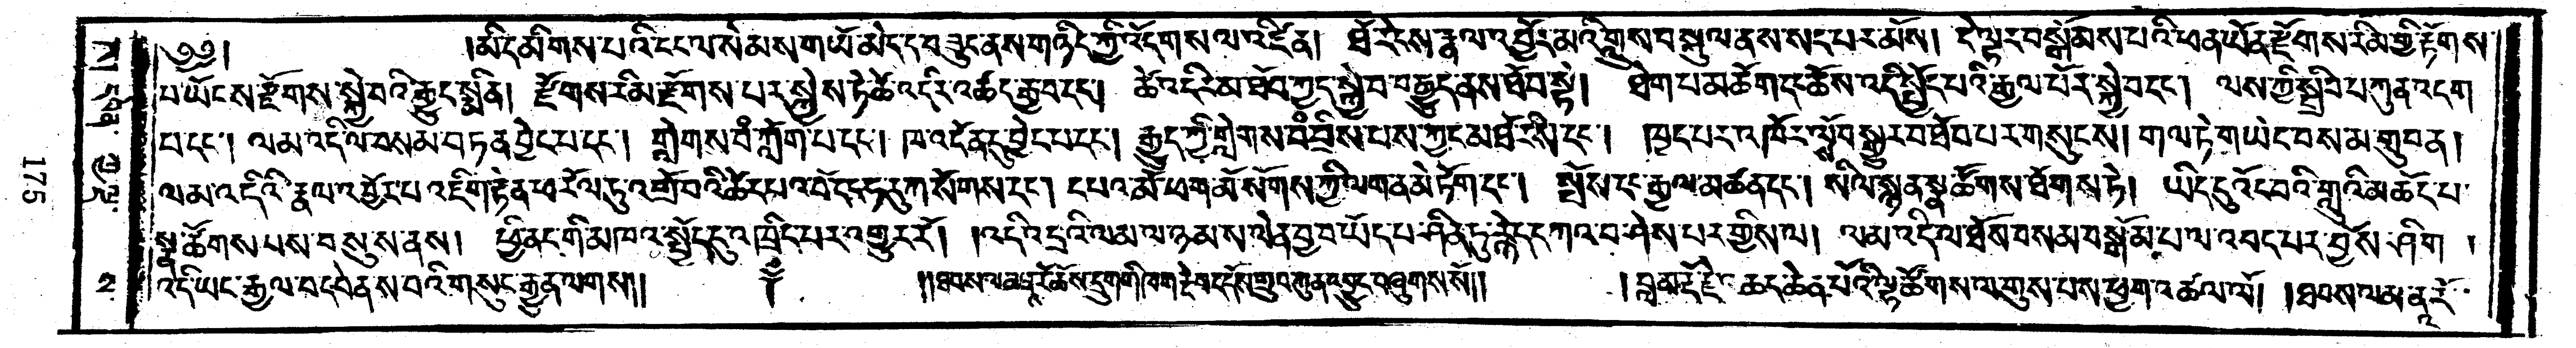༄༅། །མི་དམིགས་པའི་དང་ལ་སེམས་གཡོ་མེད་ད་བཟུང་ནས་གཉིད་ཀྱི་འོད་གསལ་འཛིན། ཐོ་རེངས་རྣལ་འབྱོར་མའི་གླུས་བསྐུལ་ནས་སད་པར་མོས། དེ་ལྟར་བསྒོམས་པའི་ཕན་ཡོན་རྫོགས་རིམ་གྱི་རྟོགས་
པ་ཡོངས་རྫོགས་སྐྱེ་བའི་རྒྱུད་སྨིན། རྫོགས་རིམ་རྫོགས་པར་སྐྱེས་ཏེ་ཚེ་འདིར་འཚང་རྒྱ་བ་དང་། ཚེ་འདིར་མ་ཐོབ་ཁྱད་སྐྱེ་བ་བརྒྱུད་ནས་ཐོབ་སྟེ། ཐེག་པ་མཆོག་དང་ཆོས་འདི་སྤྱོད་པའི་རྒྱལ་པོར་སྐྱེ་བ་དང་། ལས་ཀྱི་སྒྲིབ་པ་ཀུན་འདག་
པ་དང་། ལམ་འདི་ལ་བསམ་བཏན་བྱེད་པ་དང་། གླེགས་བཾ་ཀློག་པ་དང་། ཁ་འདོན་དུ་བྱེད་པ་དང་། རྒྱུད་ཀྱི་གླེགས་བཾ་བྲིས་པས་ཀྱང་མཐོ་རིས་དང་། ཁྱད་པར་འཁོར་ལོས་བསྒྱུར་བ་ཐོབ་པར་གསུངས། གལ་ཏེ་གཡེང་བས་མ་གྲུབ་ན།
ལམ་འདིའི་རྣལ་འབྱོར་པ་འཇིག་རྟེན་ཕ་རོལ་ཏུ་འགྲོ་བའི་ཚེ་དཔའ་བོ་དང་ཧ་རུ་ཀ་སོགས་དང་། དཔའ་མོ་ཕག་མོ་སོགས་ཀྱི་ལག་ན་མེ་ཏོག་དང་། སྤོས་དང་རྒྱལ་མཚན་དང་། སིལ་སྙན་སྣ་ཚོགས་ཐོགས་ཏེ། ཡིད་དུའོང་བའི་གླུའི་མཆོད་པ་
སྣ་ཚོགས་པས་བསུ་ས་ནས། ཕྱི་ནང་གི་མཁའ་སྤྱོད་དུ་འཁྲིད་པར་འགྱུར་རོ། །འདི་འདྲའི་ལམ་ལ་ཉམས་ལེན་བྱ་བ་ཡོད་པ་ཤིན་ཏུ་རྙེད་དཀའ་བ་ཤེས་པར་གྱིས་ལ། ལམ་འདི་ལ་ཐོས་བསམ་བསྒོམ་པ་ལ་འབད་པར་བྱོས་ཤིག །
འདི་ཡང་རྒྱལ་བ་དབེན་ས་བའི་གསུང་རྒྱུན་ལགས།། ༈ །།ཐབས་ལ་མ་ནཱ་རོ་ཆོས་དྲུག་གི་ཁག་རྗེས་དངོས་གྲུབ་ཀུན་འབྱུང་བཞུགས་སོ།། །བླ་མ་རྡོ་རྗེ་འཆང་ཆེན་པོའི་ལྷ་ཚོགས་ལ་གུས་པས་ཕྱག་འཚལ་ལོ། །ཐབས་ལམ་ནཱ་རོ་